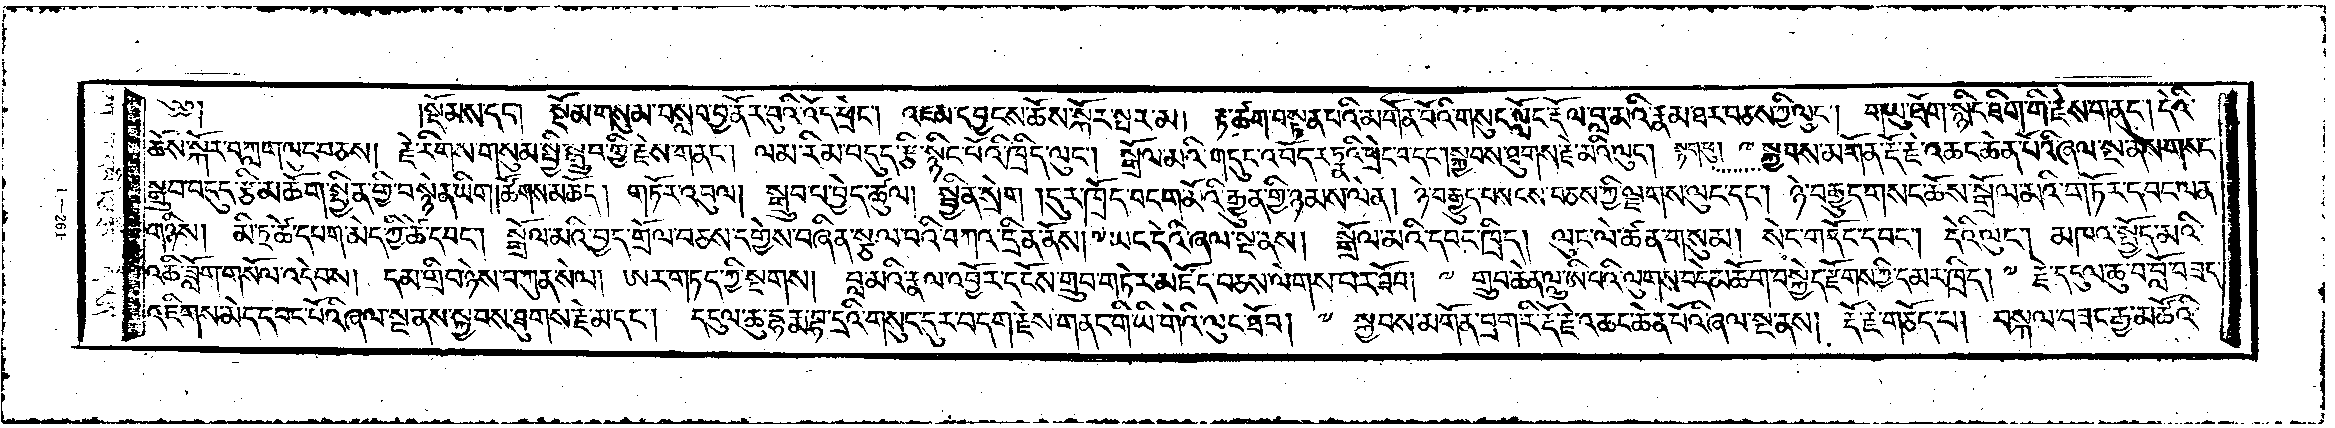༄༅། །སྡོམས་དང་། སྡོམ་གསུམ་བསླབ་བྱ་ནོར་བུའི་འོད་ཕྲེང་། འཇམ་དབྱངས་ཆོས་སྐོར་སྤར་མ། རྟ་ཚག་བསྟན་པའི་མགོན་པོའི་གསུང་སློང་རྡོལ་བླ་མའི་རྣམ་ཐར་བཅས་ཀྱི་ལུང་། གཡུ་ཐོག་སྙིང་ཐིག་གི་རྗེས་གནང་། དེའི་
ཆོས་སྐོར་བཀླག་ལུང་བཅས། རྗེ་རིགས་གསུམ་སྤྱི་སྒྲུབ་གྱི་རྗེས་གནང་། ལམ་རིམ་བདུད་རྩི་སྙིང་པོའི་ཁྲིད་ལུང་། སྒྲོལ་མའི་གདུང་འབོད་རཏྣའི་ཕྲེང་བ་དང་། སྐྱབས་ཐུགས་རྗེ་མའི་ལུང་། ༧སྐྱབས་སྟག་ཕུ།  མགོན་རྡོ་རྗེ་འཆང་ཆེན་པོའི་ཞལ་སྔ་ནས་གསང་
སྒྲུབ་བདུད་རྩི་མཆོག་སྤྱིན་གྱི་བསྙེན་ཡིག །ཚོགས་མཆོད། གཏོར་འབུལ། སྒྲུབ་པ་བྱེད་ཚུལ། སྦྱིན་སྲེག །དུར་ཁྲོད་བདག་མོའི་རྒྱུན་གྱི་ཉམས་ལེན། ཉེ་བརྒྱུད་བསངས་བཅས་ཀྱི་ལྗགས་ལུང་དང་། ཉེ་བརྒྱུད་གསང་ཆོས་སྒྲོལ་མའི་གཏོར་དབང་ལན་
གཉིས། མི་ཏྲ་ཚེ་དཔག་མེད་ཀྱི་ཚེ་དབང་། སྒྲོལ་མའི་བྱད་གྲོལ་བཅས་དགྱེས་བཞིན་སྩལ་བའི་བཀའ་དྲིན་ནོས། ༧ཡང་དེའི་ཞལ་སྔ་ནས། སྒྲོལ་མའི་དབང་ཁྲིད། ལུང་ལེ་ཚན་གསུམ། སེང་གདོང་དབང་། དེའི་ལུང་། མཁའ་སྤྱོད་མའི་
འཆི་ཟློག་གསོལ་འདེབས། དམ་གྲིབ་ཉེས་བ་ཀུན་སེལ། ཨར་གཏད་ཀྱི་སྔགས། བླ་མའི་རྣལ་འབྱོར་དངོས་གྲུབ་གཏེར་མཛོད་བཅས་ལེགས་པར་ཐོབ། ༧་གྲུབ་ཆེན་ལཱུ་ཨི་པའི་ལུགས་བདེ་མཆོག་བསྐྱེད་རྫོགས་ཀྱི་དམར་ཁྲིད། ༧རྗེ་དངུལ་ཆུ་བ་བློ་བཟང་
འཇིགས་མེད་དབང་པོའི་ཞལ་སྔ་ནས་སྐྱབས་ཐུགས་རྗེ་མ་དང་། དངུལ་ཆུ་དྷརྨ་བྷ་དྲའི་གསུང་དུར་བདག་རྗེས་གནང་གི་ཡི་གེའི་ལུང་ཐོབ། ༧་སྐྱབས་མགོན་བྲག་རི་རྡོ་རྗེ་འཆང་ཆེན་པོའི་ཞལ་སྔ་ནས། རྡོ་རྗེ་གཅོད་པ། བསྐལ་བཟང་རྒྱ་མཚོའི་